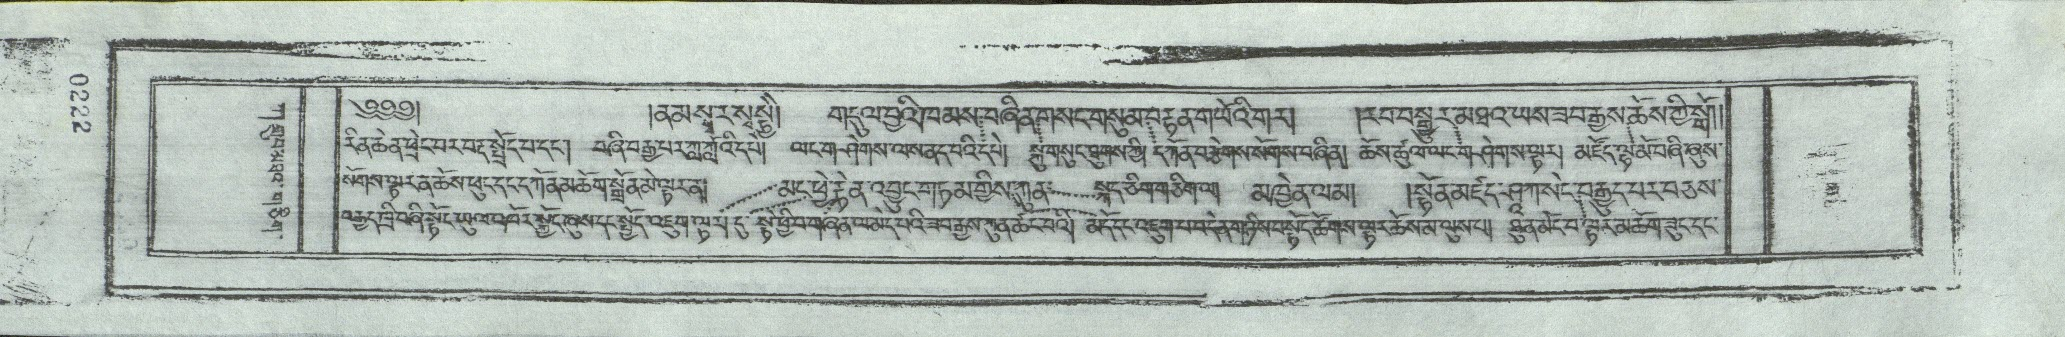༄༅༅། །ན་མ་སྠར་སྭསྟྱི། གདུལ་བྱའི་ཁམས་བཞིན་གསང་གསུམ་བརྟན་གཡོའི་གར། །རབ་བསྒྱུར་མཐའ་ཡས་ཟབ་རྒྱས་ཆོས་ཀྱི་སྒོ། །
རིན་ཆེན་ཕྲེང་བར་བརྡ་སྤྲོད་པ་དང་། བཞི་བརྒྱ་པར་ཀླ་ཀློའི་དཔེ། ལང་གཤེགས་ལས་ནད་པའི་དཔེ། །སྐུ་གསུང་ལུགས་ཀྱི། དཀོན་བརྩེགས་སོགས་བཞིན། ཆོས་ཚུལ་ལང་གཤེགས་ལྟར་།མཛོད་ལྷ་མོ་བཞི་ཞུས་
སོགས་ལྟར་ན་ཆོས་ཕུང་དང་དཀོན་མཆོག་སྒྲོན་མེ་ལྟར་ན། །མང་ཕྱེ་རྟེན་འབྱུང་གཏམ་གྱིས་ཀུན་སྐད་ཅིག་གཅིག་ལ། མཁྱེན་ལམ། །སྟོན་མཛད་ཤཱཀ་སེང་བརྒྱུད་པར་བཅས་
བརྒྱད་ཁྲི་བཞི་སྟོང་ཡུལ་འཁོར་སྐྱོང་ཞུས་དང་སྤྱོད་འཇུག་ལྟར། དུ་སྟེ་ཕྱི་བ་གཞན་ལ་མེད་པའི་ཟབ་རྒྱས་ཀུན་ཚང་བའི། མདོ་དང་འཐུག་པ་བདེན་གཉིས་བསྟང་ཚོགས་ལྟར་ཆོས་མ་ལུས་པ། ཐུན་མོང་པ་ལྟར་མཆོག་ཟུང་དང་